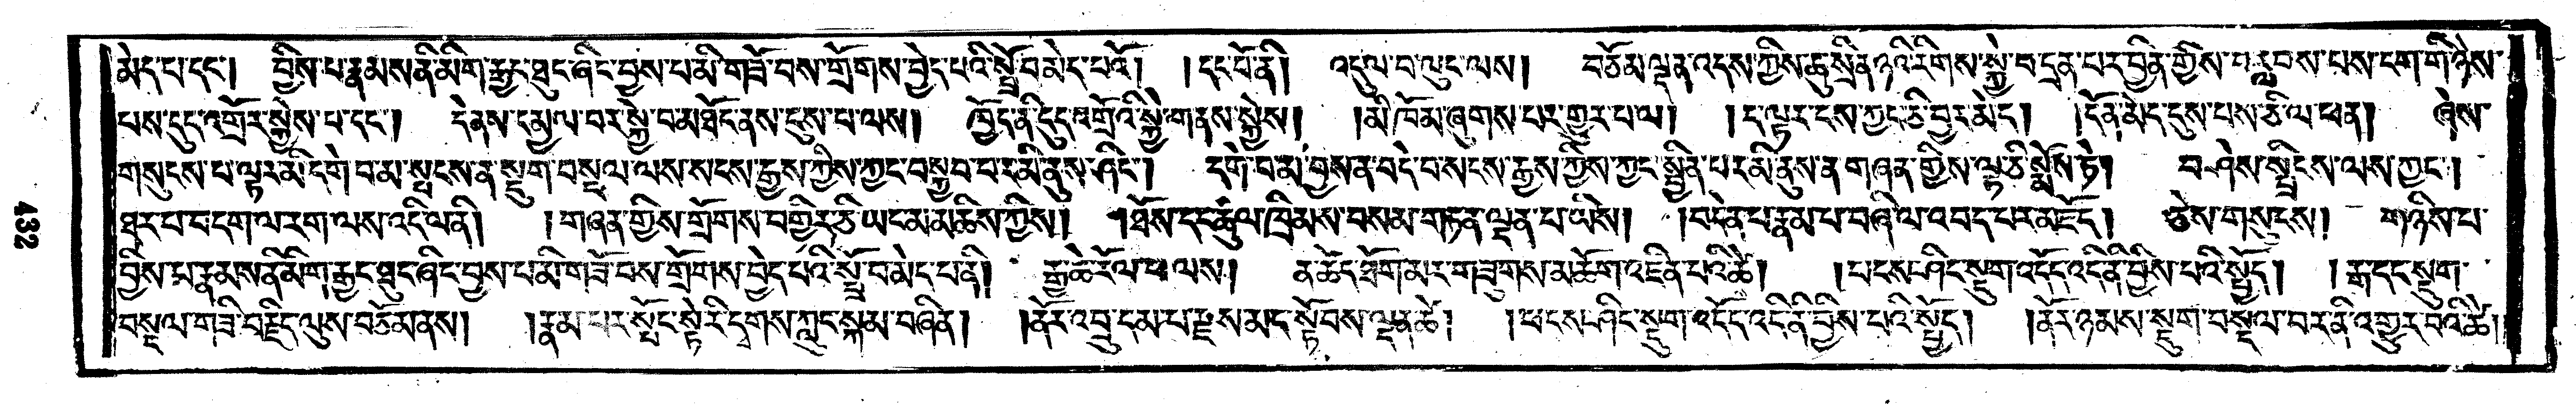མེད་པ་དང་། བྱིས་པ་རྣམས་ནི་མིག་རྒྱང་ཐུང་ཞིང་བྱས་པ་མི་གཟོ་བས་གྲོགས་བྱེད་པའི་སྤྲོ་བ་མེད་པའོ། །དང་པོ་ནི། འདུལ་བ་ལུང་ལས། བཅོམ་ལྡན་འདས་ཀྱིས་ཆུ་སྲིན་ཉའི་རིགས་སྐྱེ་བ་དྲན་པར་བྱིན་གྱིས་བརླབས་པས་ངག་གི་ཉེས་
པས་དུང་འགྲོར་སྐྱེས་པ་དང་། དེ་ནས་དམྱལ་བར་སྐྱེ་བ་མཐོང་ནས་ངུས་པ་ལས། ཁྱོད་ནི་དུད་འགྲོའི་སྐྱེ་གནས་སྐྱེས། །མི་ཁོམ་ཞུགས་པར་གྱུར་པ་ལ། །ད་ལྟར་ངས་ཀྱང་ཅི་བྱར་མེད། །དོན་མེད་དུས་པས་ཅི་ལ་ཕན། ཞེས་
གསུངས་པ་ལྟར་མི་དགེ་བ་མ་སྤངས་ན་སྡུག་བསྔལ་ལས་སངས་རྒྱས་ཀྱིས་ཀྱང་བསྐྱབ་པར་མི་ནུས་ཤིང་། དགེ་བ་མ་བྱས་ན་བདེ་བ་སངས་རྒྱས་ཀྱིས་ཀྱང་སྦྱིན་པར་མི་ནུས་ན་གཞན་གྱིས་ལྟ་ཅི་སྨོས་ཏེ། བཤེས་སྤྲིངས་ལས་ཀྱང་།
ཐར་པ་བདག་ལ་རག་ལས་འདི་ལ་ནི། །གཞན་གྱིས་གྲོགས་བགྱིར་ཅི་ཡང་མ་མཆིས་ཀྱིས། །ཐོས་དང་ཚུལ་ཁྲིམས་བསམ་གཏན་ལྡན་པ་ཡིས། །བདེན་པ་རྣམ་པ་བཞི་ལ་འབད་པར་མཇོད། ཅེས་གསུངས། གཉིས་པ་
བྱིས་པ་རྣམས་ནི་མིག་རྒྱང་ཐུང་ཞིང་བྱས་པ་མི་གཟོ་བས་གྲོགས་བྱེད་པའི་སྤྲོ་བ་མེད་པ་ནི། རྒྱ་ཆེ་རོལ་པ་ལས། ན་ཚོད་ཐོག་མར་གཟུགས་མཆོག་འཛིན་པའི་ཚེ། །པངས་ཤིང་སྡུག་འདོད་འདི་ནི་བྱིས་པའི་སྤྱོད། །རྒ་དང་སྡུག་
བསྔལ་གཟི་བརྗིད་ལུས་བཅོམ་ནས། །རྣམ་པར་སྤོང་སྟེ་རི་དྭགས་ཀླུང་སྐམ་བཞིན། །ནོར་འབྲུ་དམ་པ་རྫས་མང་སྟོབས་ལྡན་ཚེ། །ཕངས་ཤིང་སྡུག་འདོད་འདི་ནི་བྱིས་པའི་སྤྱོད། །ནོར་ཉམས་སྡུག་བསྔལ་བར་ནི་འགྱུར་བའི་ཚེ།